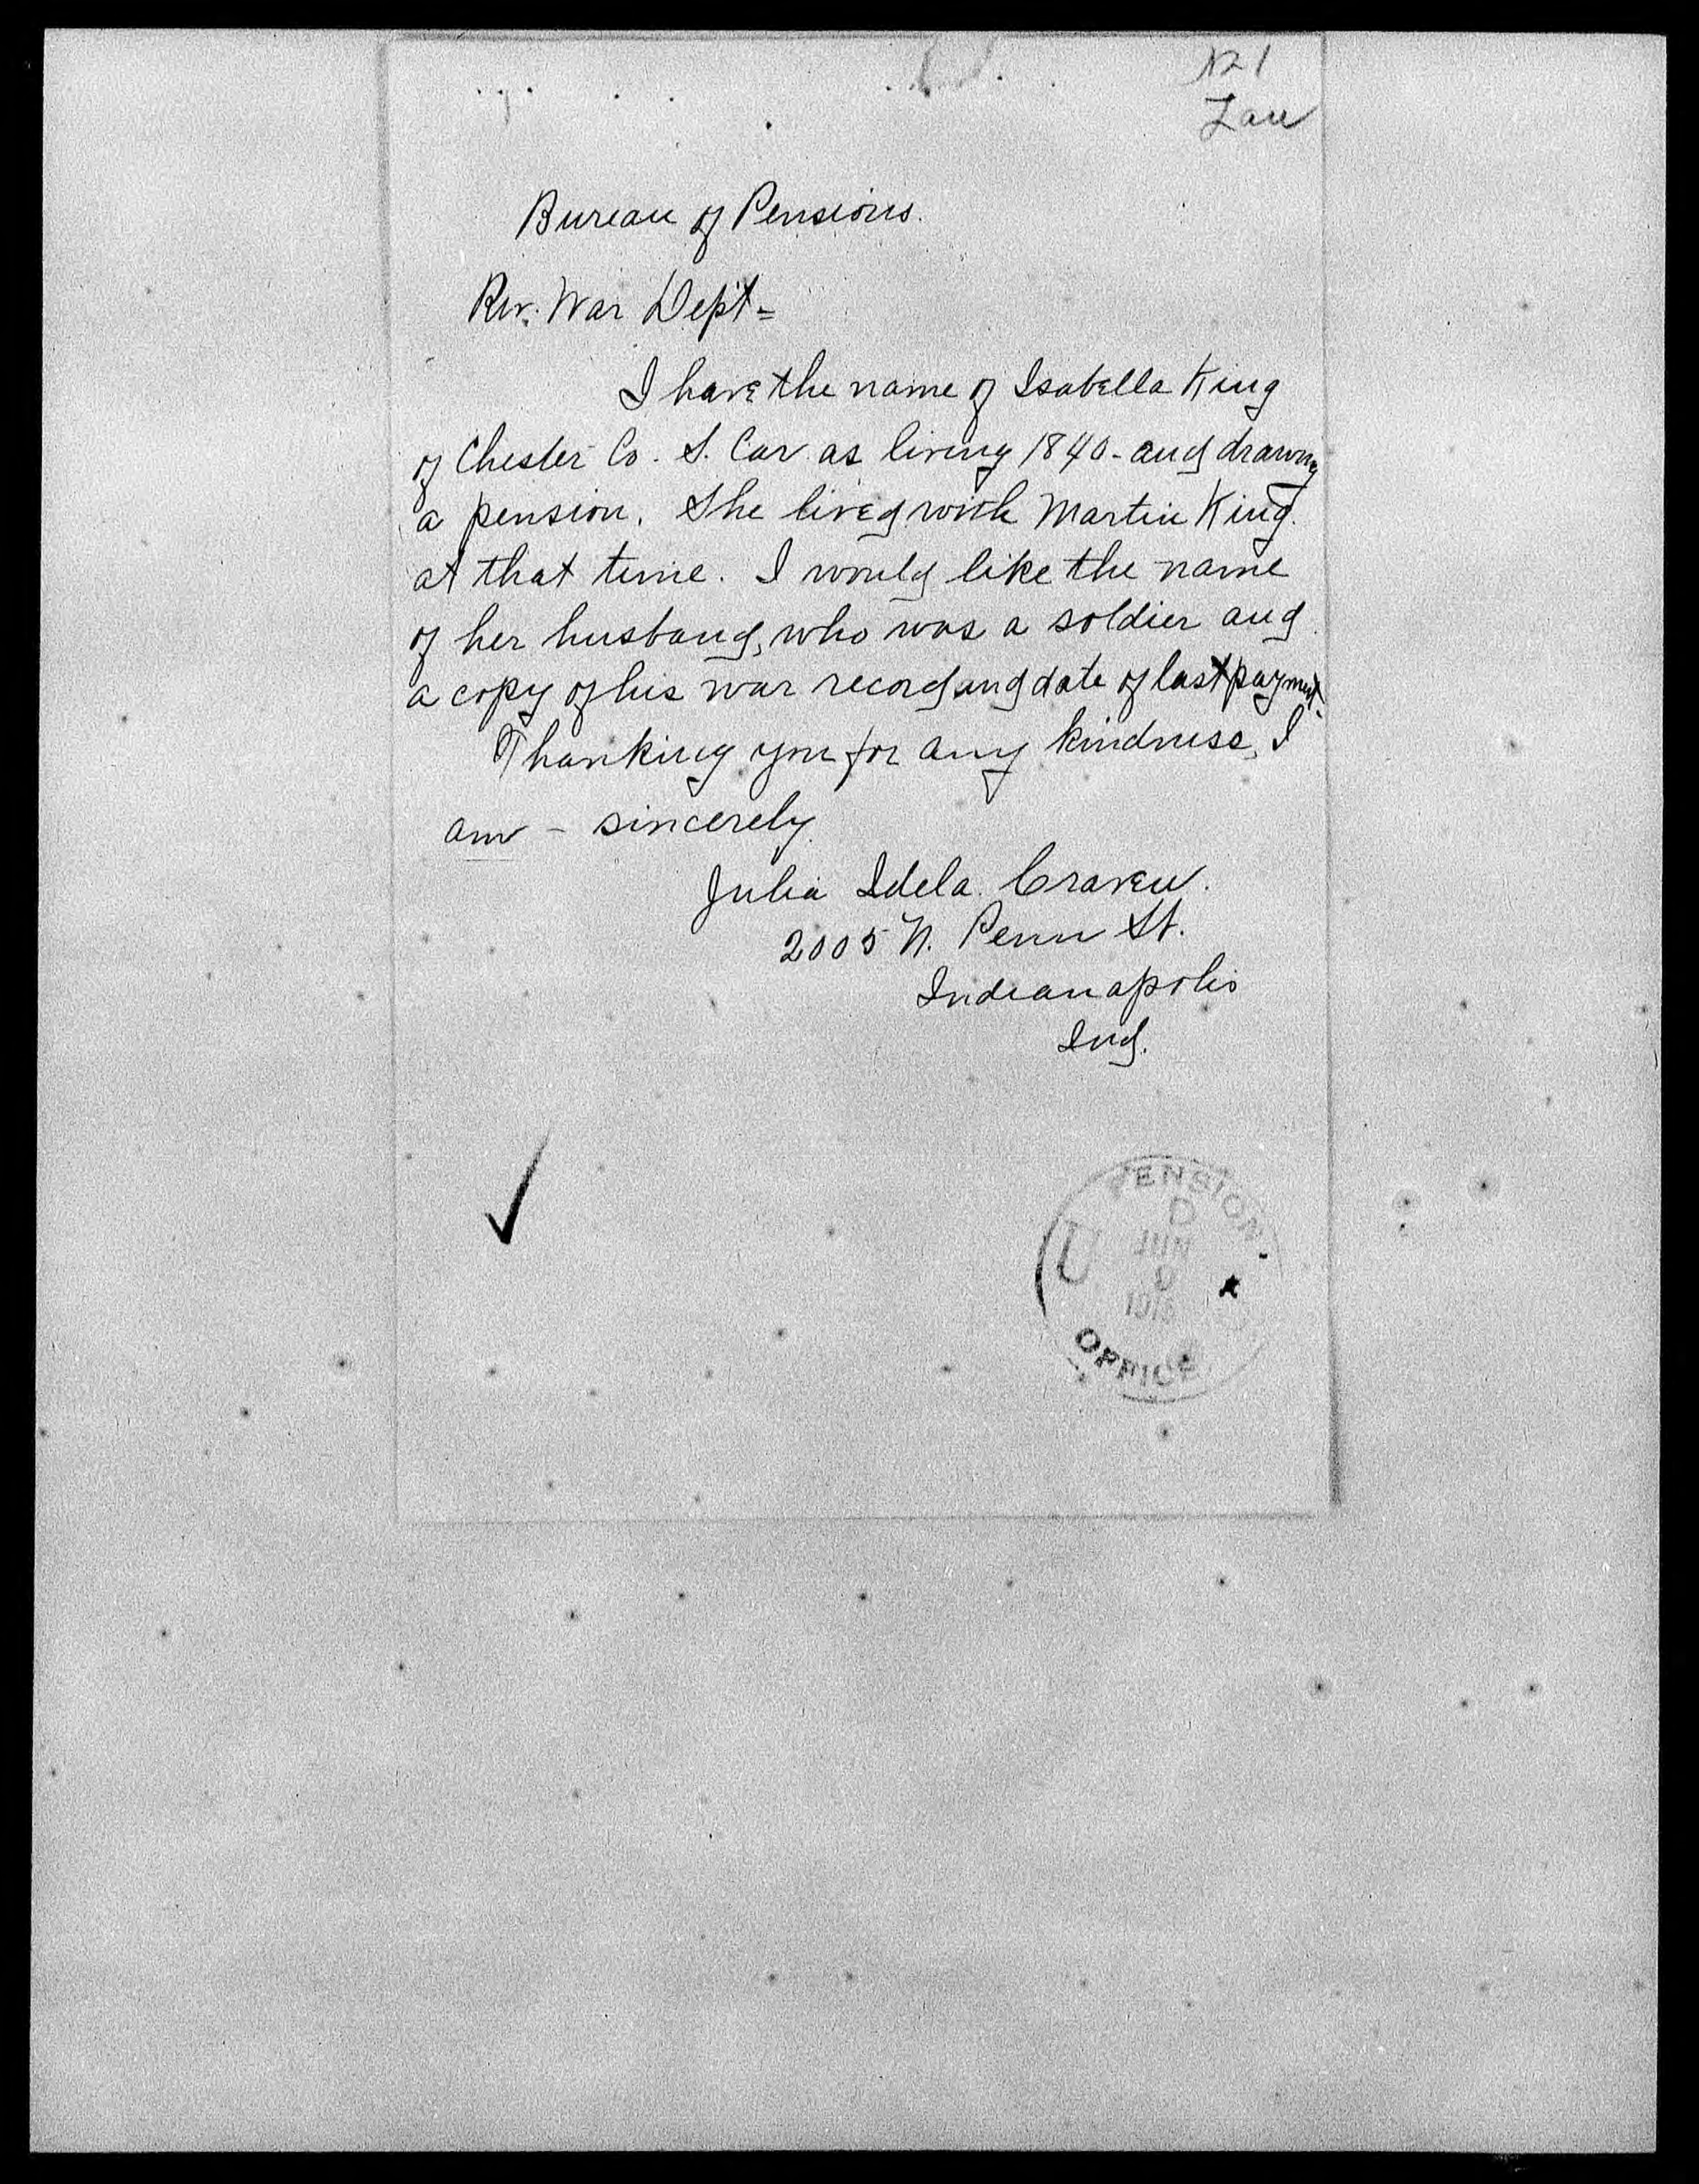21
Law

Bureau of Pensions 
Rev. War Dept.

I have the name of Isabella King 
of Chester Co. S. Car as living 1849, and drawing a pension.  She lived with Martin King 
at that time.  I would like the name 
of her husband, who was a soldier and 
a copy of his war record and date of last payment.

Thanking your for any kindness, I 
am sincerely

Julia Idela Craven 
2005 N. Penn St. 
Indianapolis 
Ind.

✓
[Circular mail receipt stamp]
PENSION
D
JUN
U. 9 S.
1915
OFFICE.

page: 6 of 10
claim: widow's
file: W. 21523, for Francis King, South Carolina